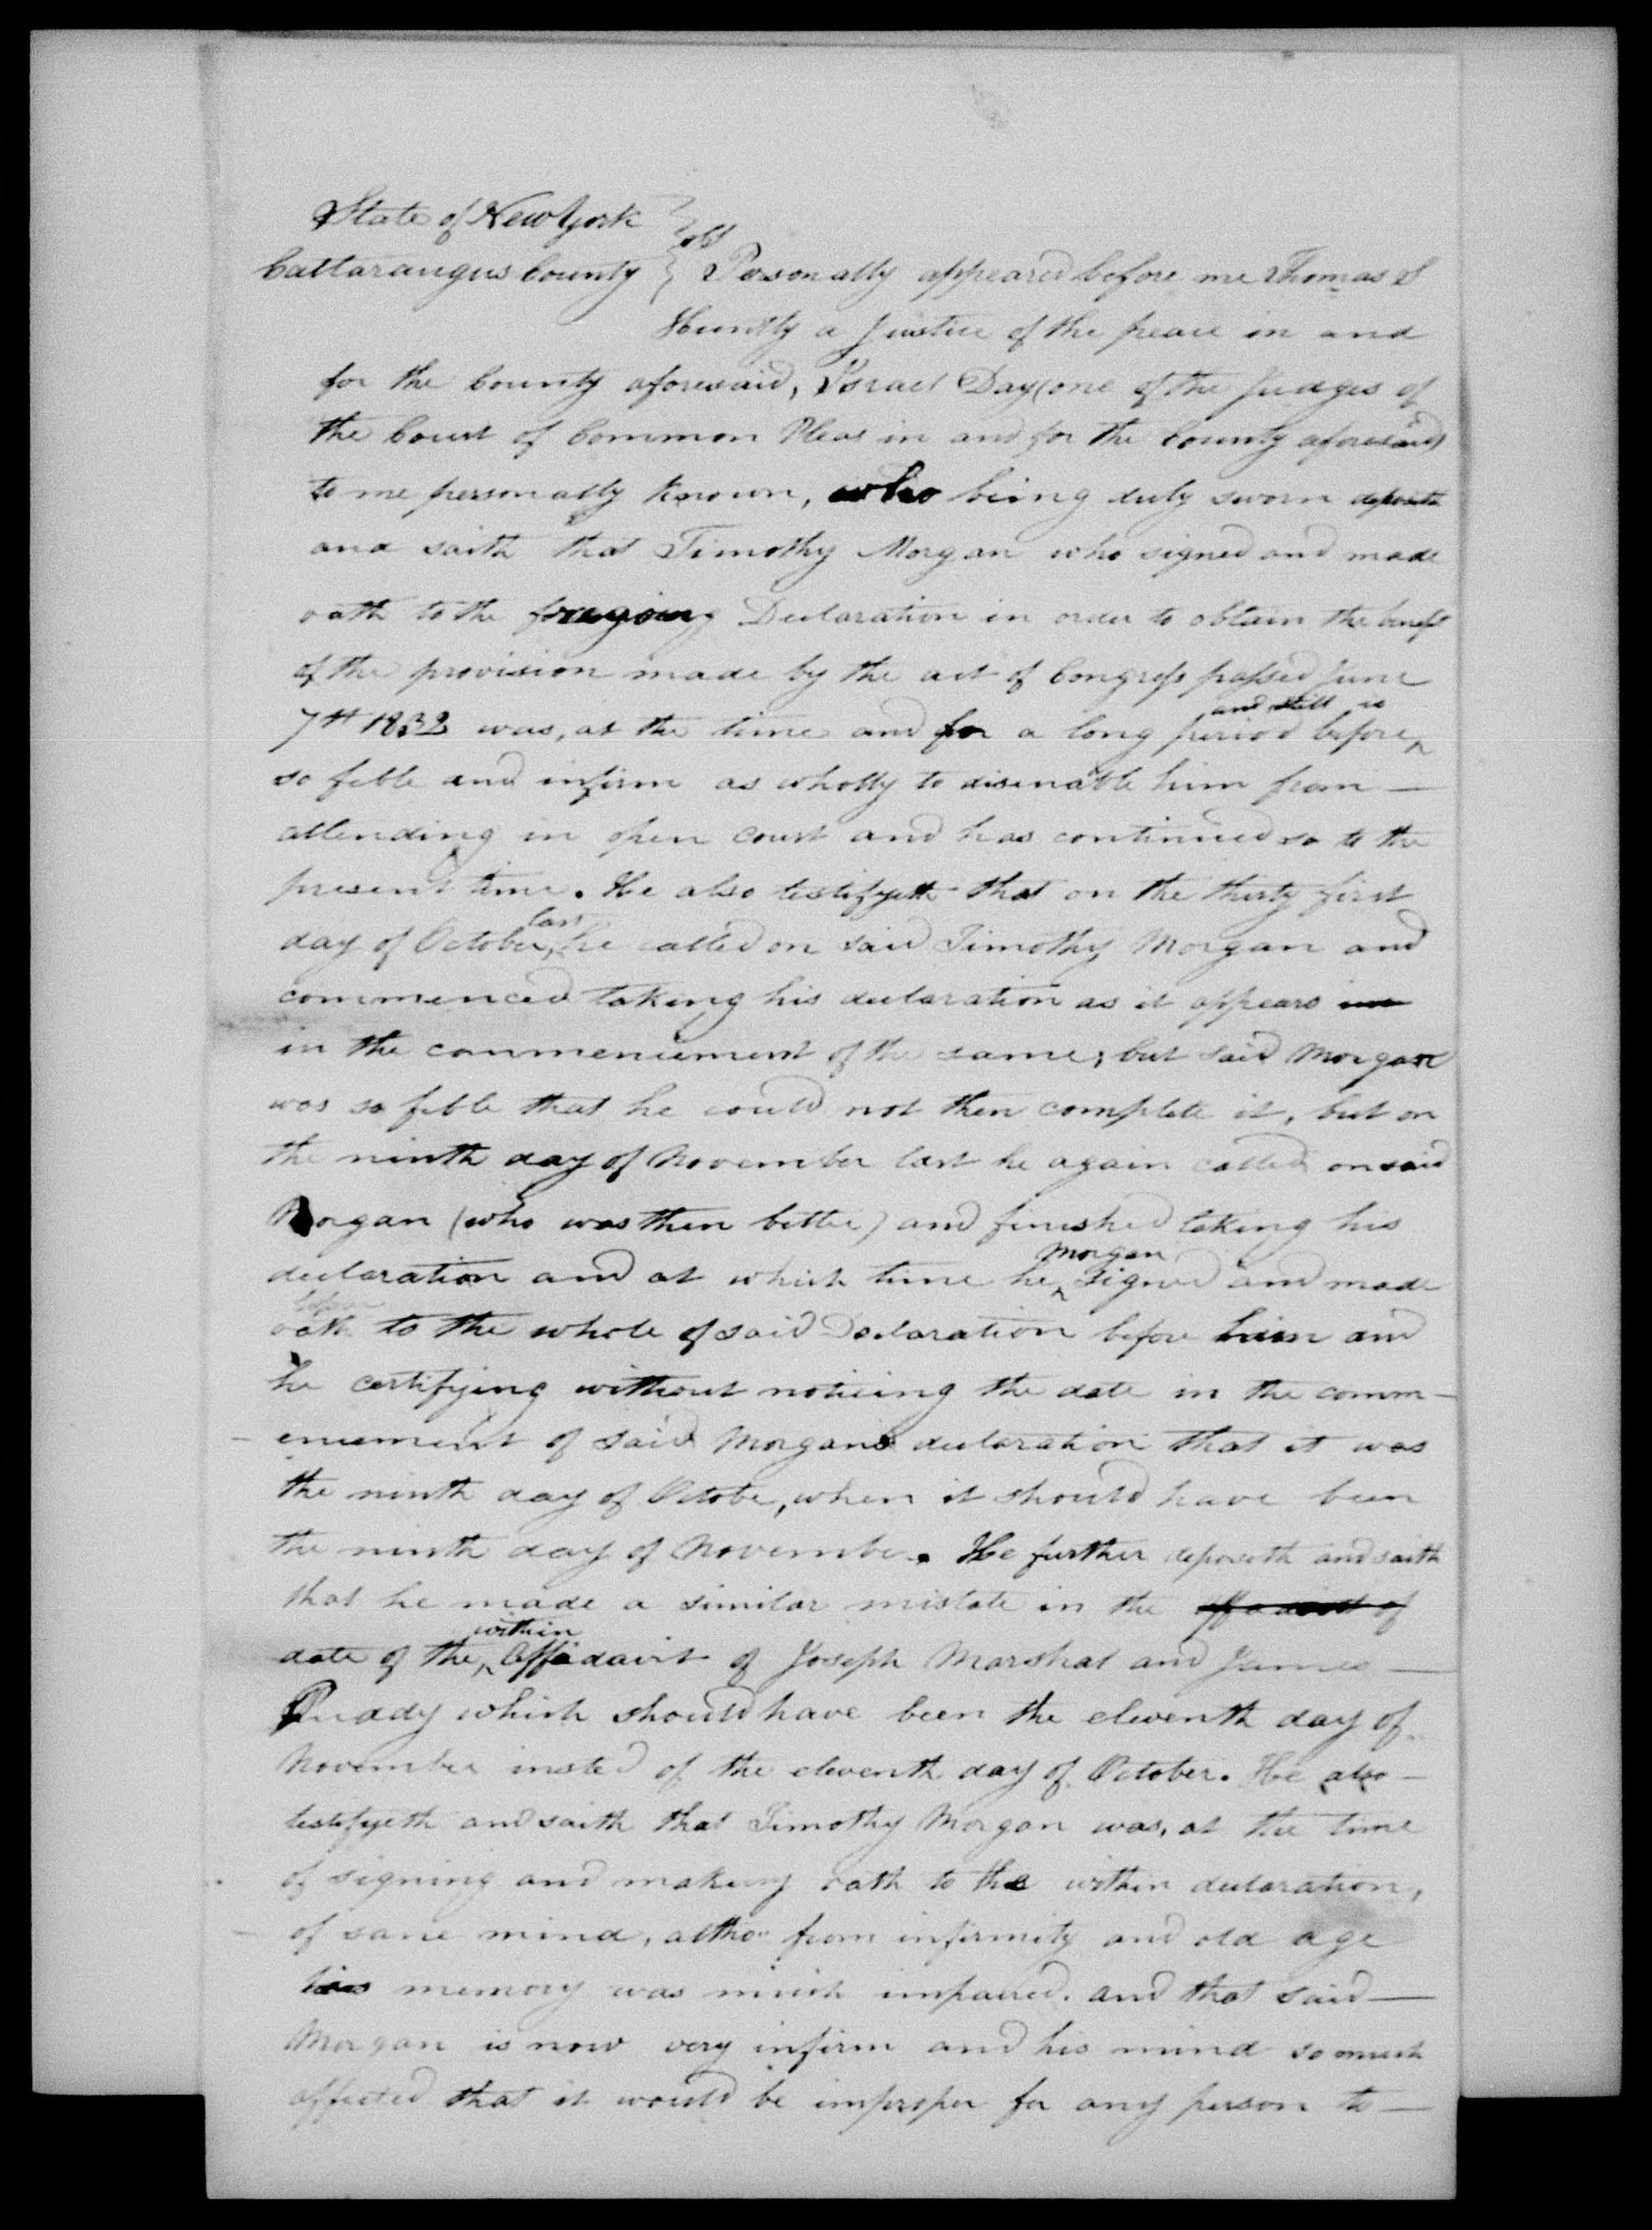State of New York }ss
Cattaraugus County } Personally appeared before me Thomas
Huntly a Justice of the peace in and
for the County aforesaid, Israel Day one of the Judges of
the Court of Common Pleas in and for the County aforesaid
to me personally known, who being duly sworn deposeth
and saith that Timothy Morgan who signed and made
oath to the foregoing Declaration in order to obtain the benifit
of the provision made by the act of Congress passed June
7th 1832 was, at the time and for a long period before and still is 
so feble and infirm as wholly to disenable him from
attending in open Court and has continued so to the
present time. He also testifyeth that on the thirty first
day of October last he called on said Timothy Morgan and
commenced taking his declaration as it appears
in the commencement of the same; but said Morgan
was so feble that he could not then complete it, but on
the ninth day of November last he again called on said
Morgan (who was then better) and finished taking his
declaration and at which time he Morgan signed and made
oath to the whole of said declaration before him and
he certifying without noticing the date in the commencement 
of said Morgan declaration that it was
the ninth day of October, when it should have been
the ninth day of November. He further deposeth and saith
that he made a similar mistake in the
date of the within affidavit of Joseph Marshal and James
Puddy which should have been the eleventh day of
November instead of the eleventh day of October. He also
testifyeth and saith that Timothy Morgan was, at the time
of signing and making oath to the within declaration,
of same mind, altho from infirmity and old age
his memory was much impaired, and that said-
Morgan is now very infirm and his mind so much
affected that it would be improper for any person to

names: Israel Day; Timothy Morgan; Thomas S Huntly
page: 16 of 19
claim: rejected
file: R 7390, for Timothy Morgan, Connecticut